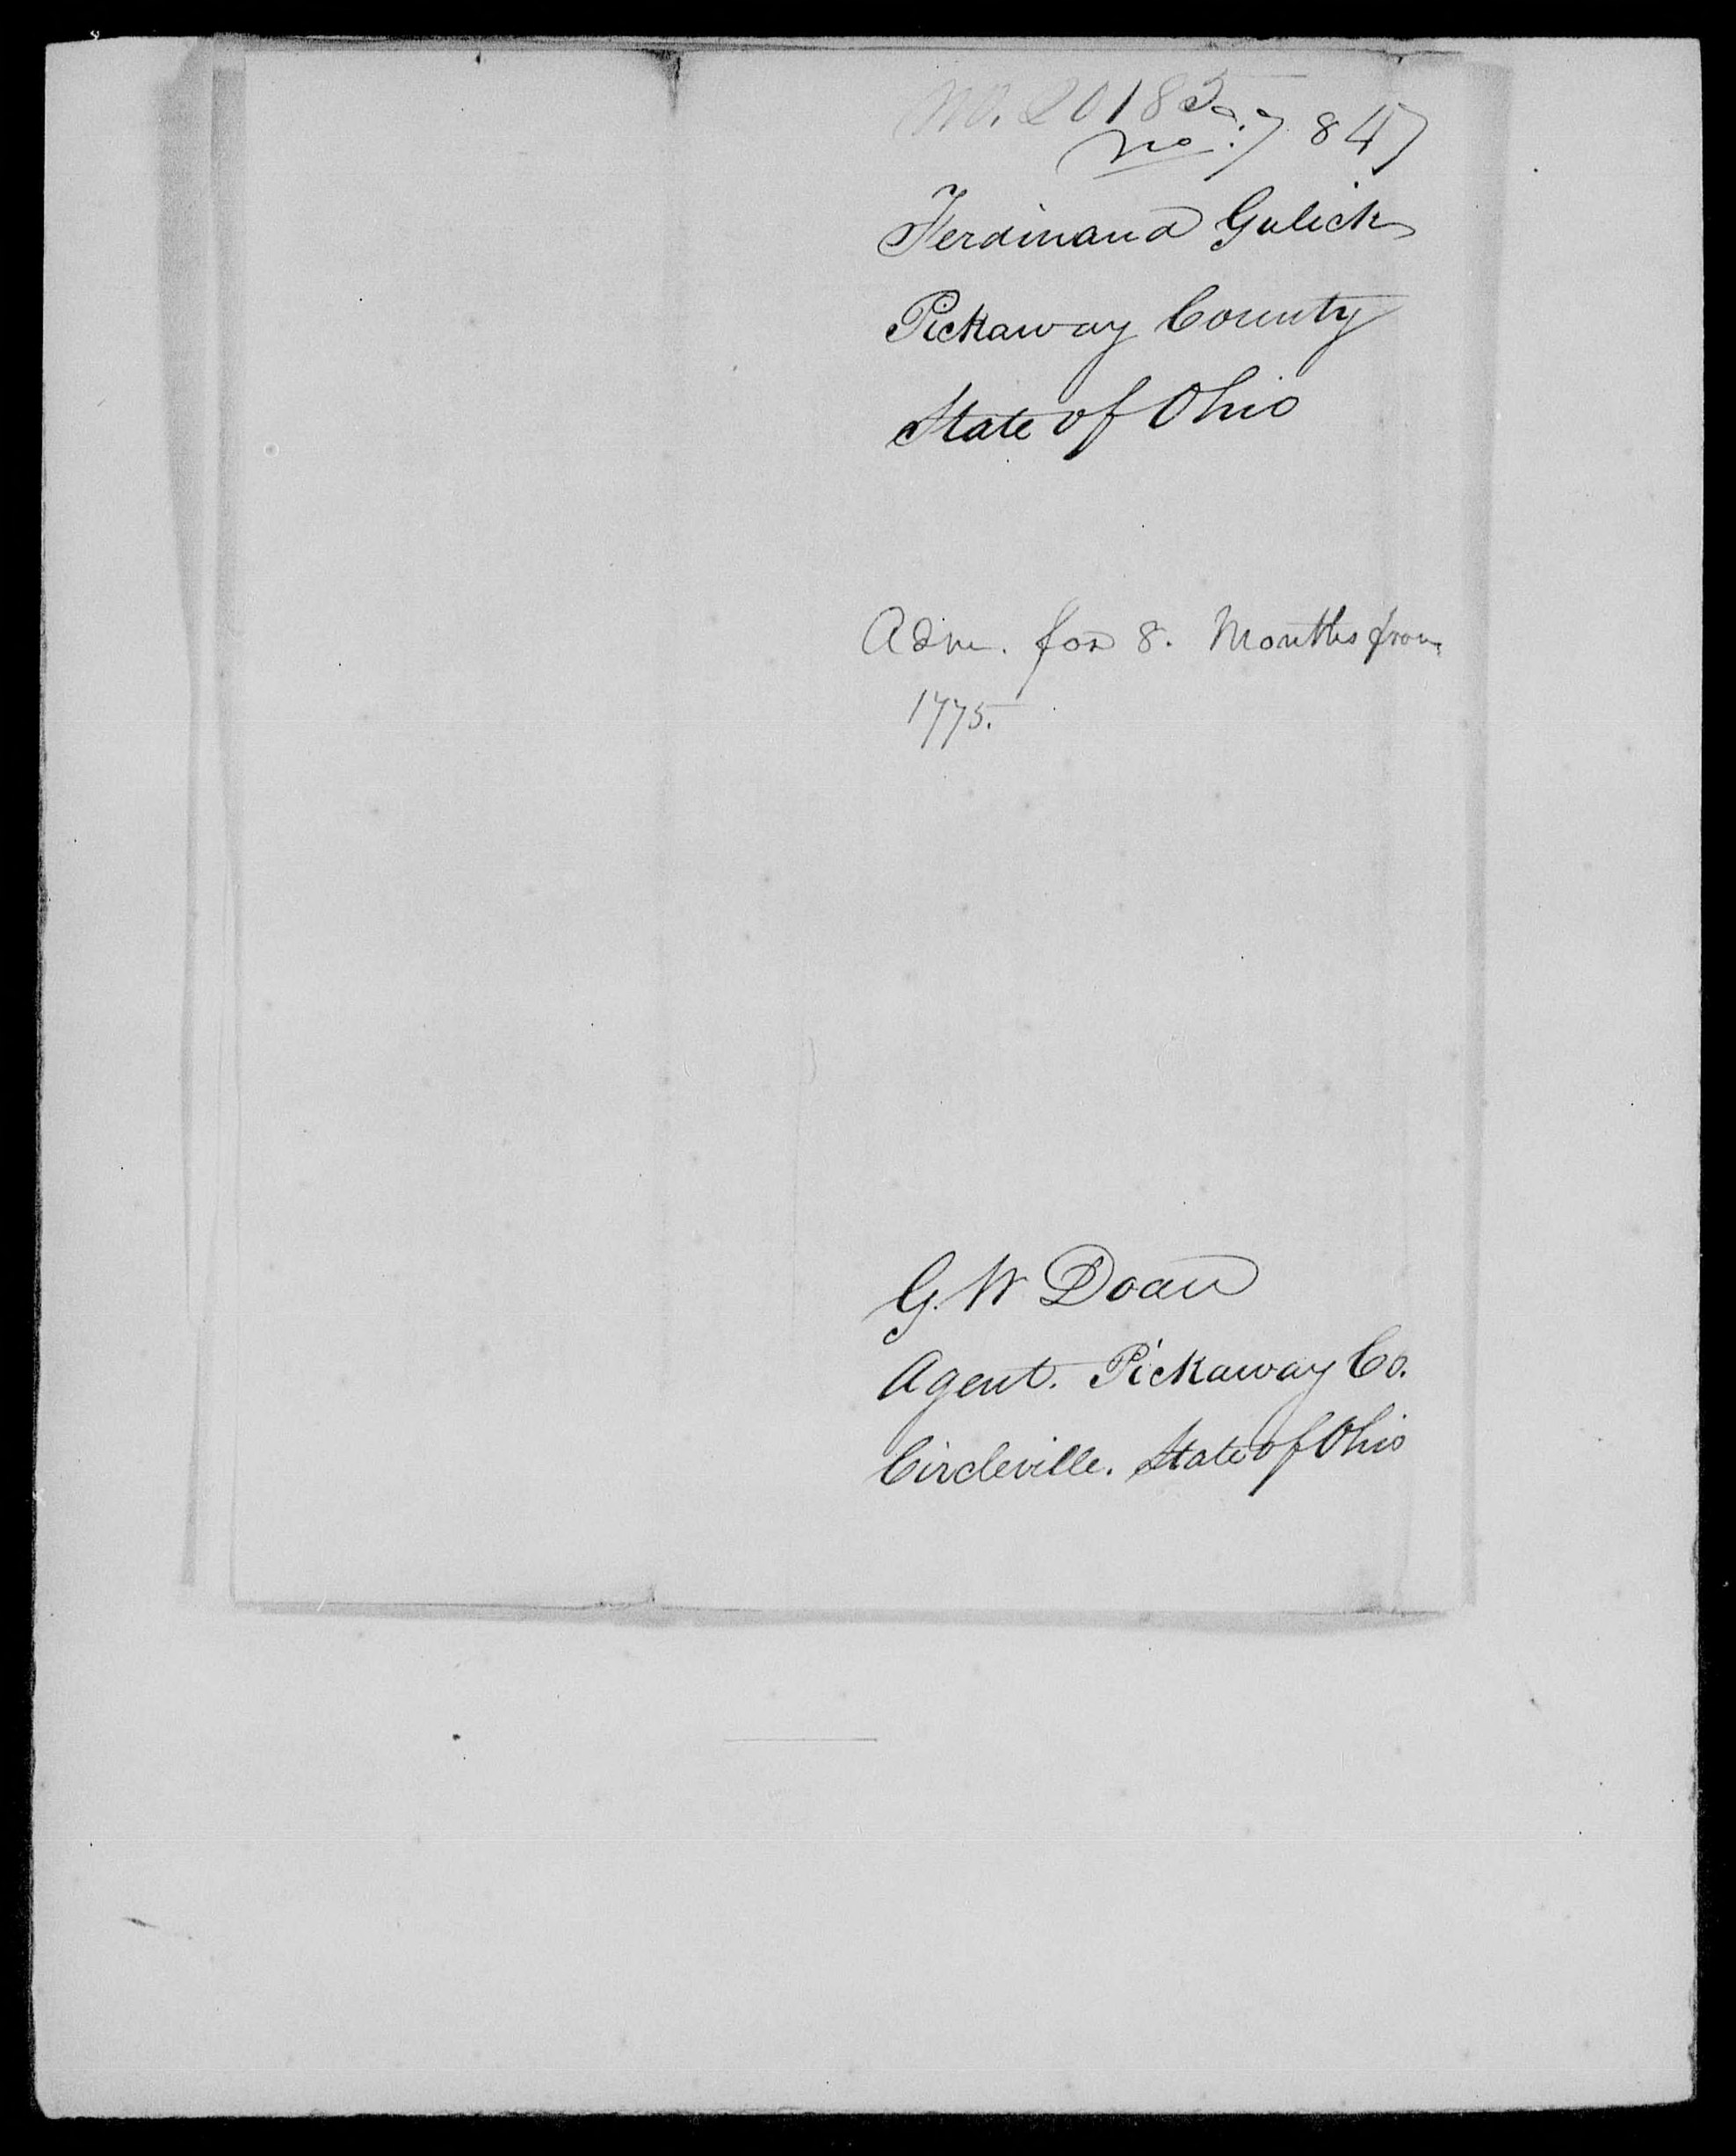No. 20182
No. 7847
Ferdinand Gulick
Pickaway County
State of Ohio

[illegible] for 8. months from
1775

G.W Doan
Agent. Pickaway County
Circleville. State of Ohio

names: G W Doan, Ferdinand Gulick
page: 8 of 21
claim: survivor's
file: S. 2586, Ferdinand Gulick, New Jersey Va.